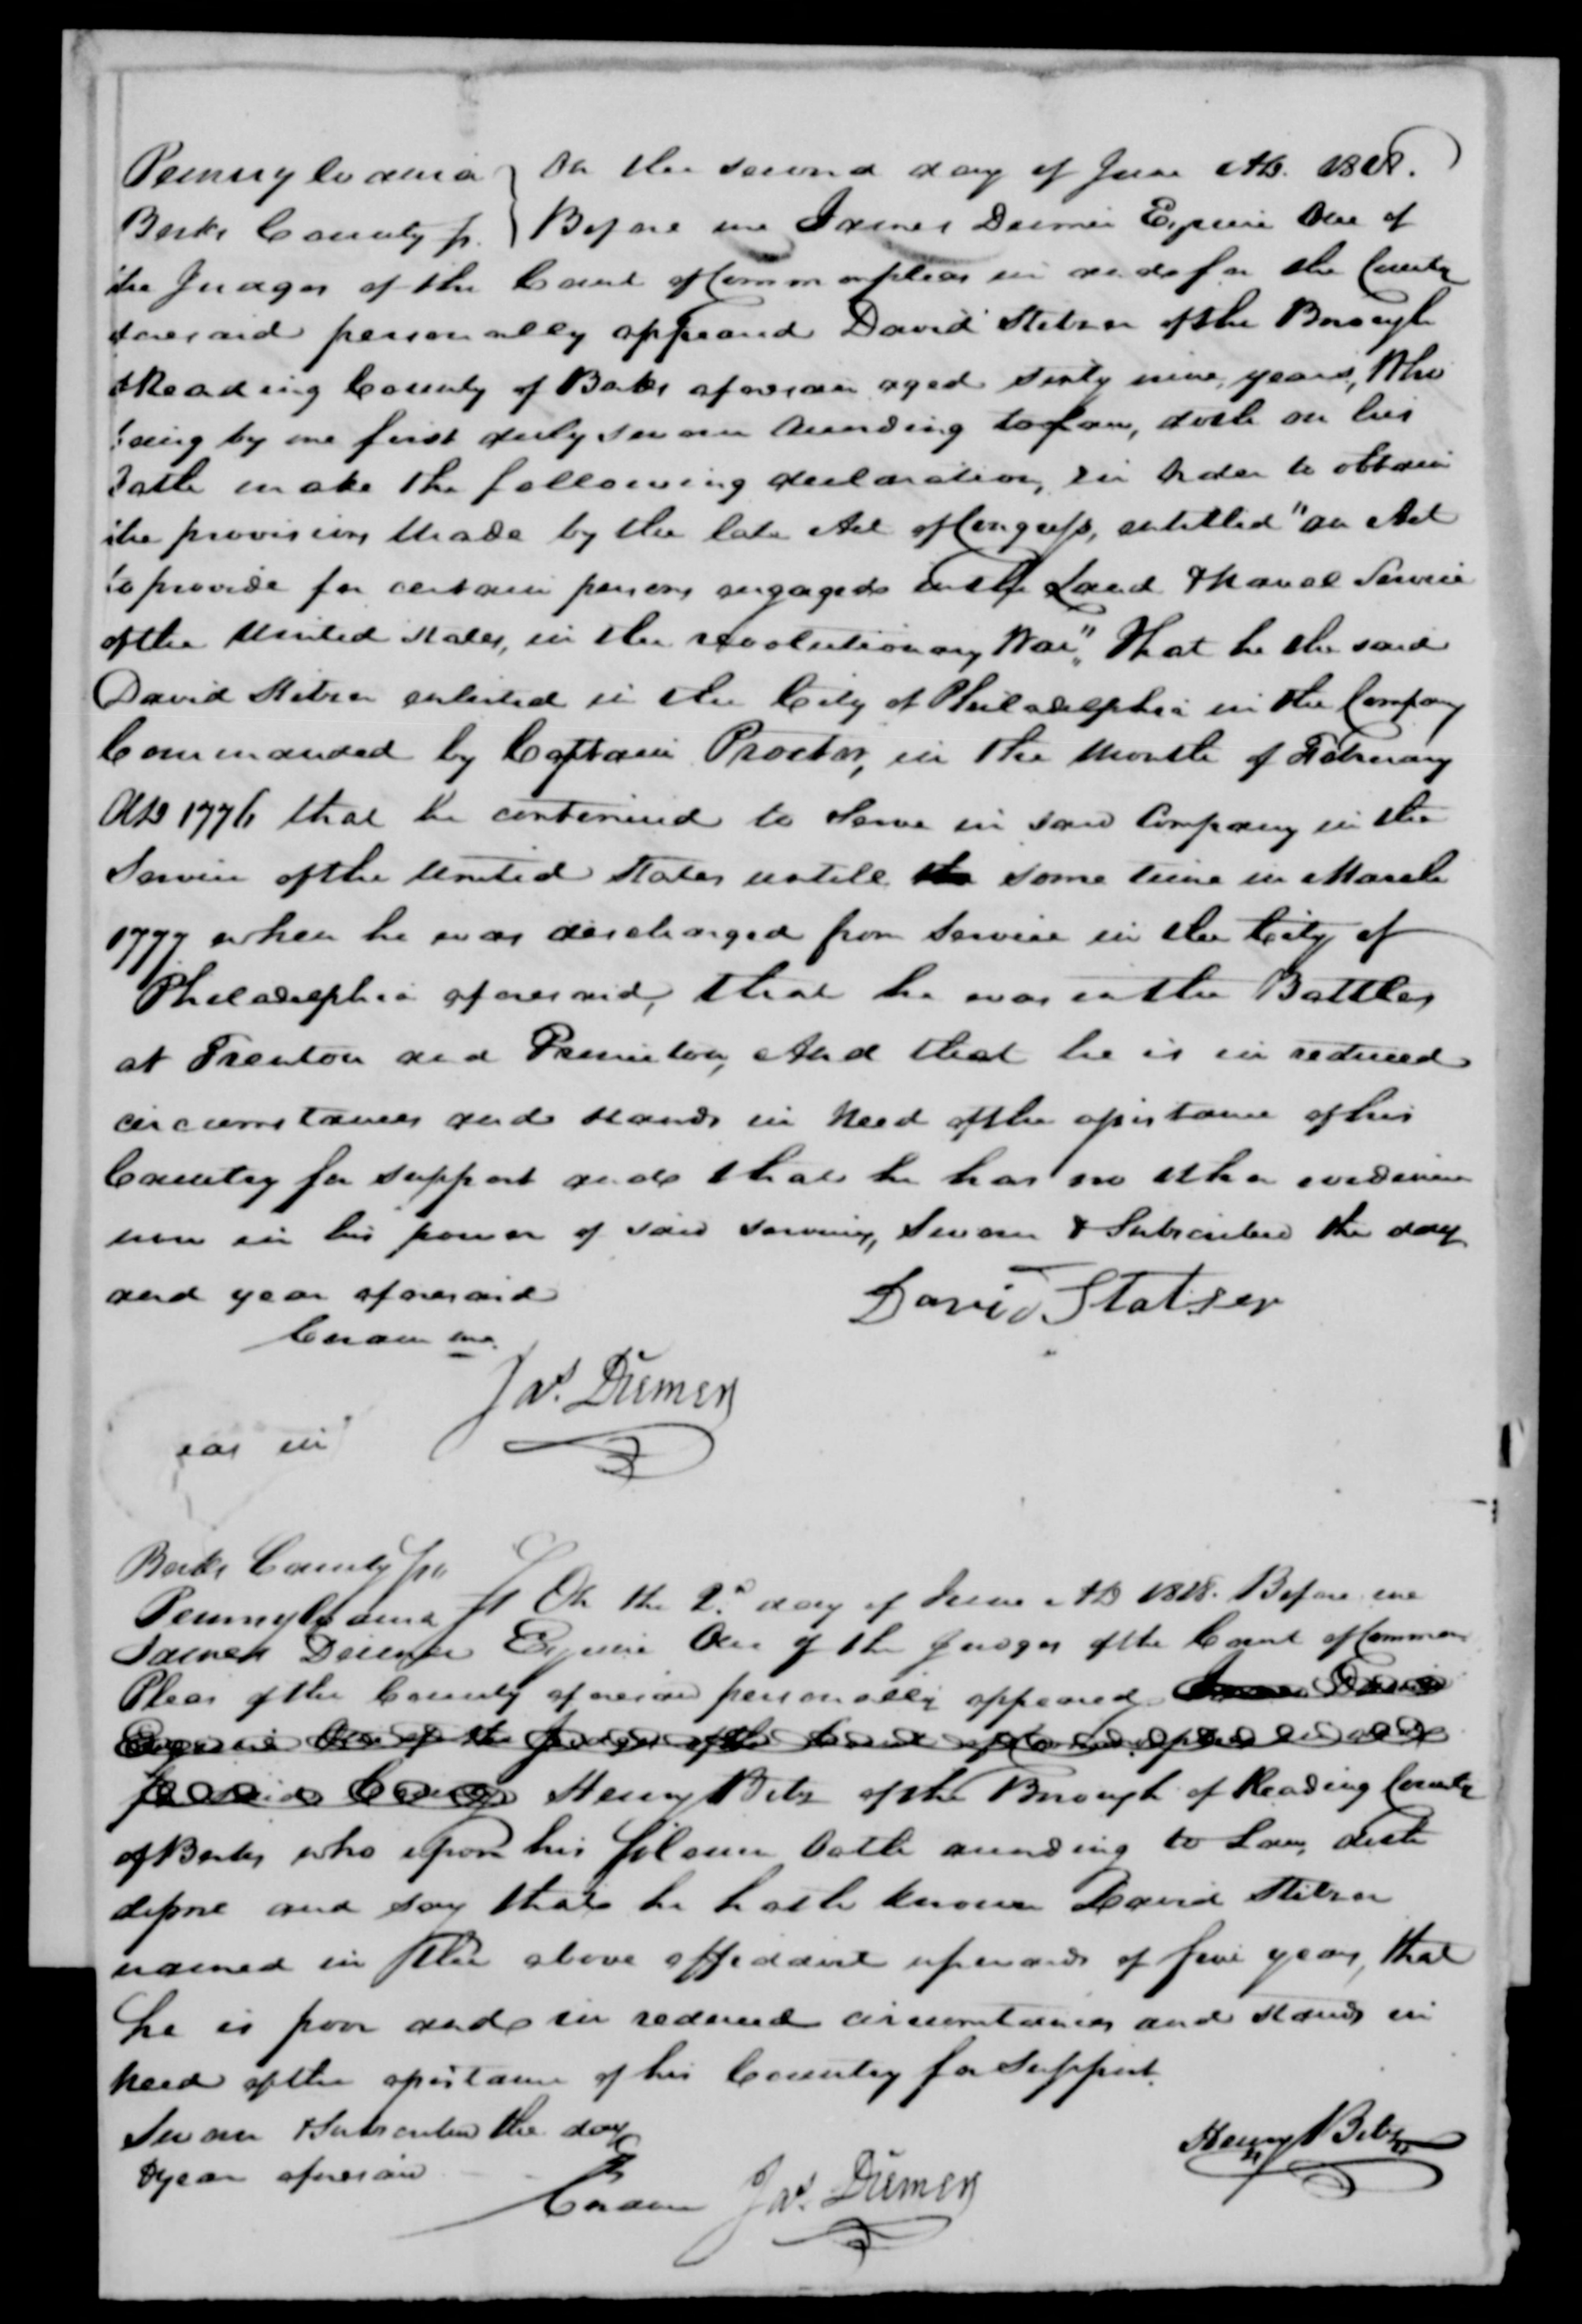Pennsylvania
Berks County, SS.
On the second day of June AD, 1818, before me, James Davies, Esquire, one of the Judges of the Court of Common pleas in and for the County aforesaid. personally appeared David Statser of the Borough of Reading County of Berks aforesaid, aged sixty-nine years, who being by me first duly sworn according to law, doth on his oath make the following declaration, in order to obtain the provisions made by the late Act of Congress, entitled "an Act to provide for certain persons engaged in Land and Naval Service of the United States, in the revolutionary War." That he the said David Statser enlisted in the City of Philadelphia in the Company commanded by Captain Proctor, in the month of February AD 1776, that he continued to serve in said Company in the Service of the United States until  sometime in March 1777, when he was discharged from service in the City of Philadelphia aforesaid, that he was in the Battles at Trenton and Princeton,  and that he is in reduced circumstances and stands in need of the assistance of his Country for support and that he has no other evidence now in his power of said serving. Sworn and subscribed the day and year aforesaid.
David Statser
James Diemer
Berks County, SS.
Pennsylvania
On the 2d day of June AD 1818, before me, James Deimer, Esquire, one of the Judges of the Court of Common Pleas of the County aforesaid, personally appeared Henry Betz of the Borough of Reading, County of Berks, who upon his solemn oath according to Law, doth depose and say that he has known David Statser named in the above affidavit upwards of five years, that he is poor and in reduced circumstances and stands in need of the assistance of his Country for support.
Henry Betz
Sworn and subscribed the day and year aforesaid.
[illegible] Jas. Diemer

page: 7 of 28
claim: widow's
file: W. 3163, for David Statser, Pennsylvania